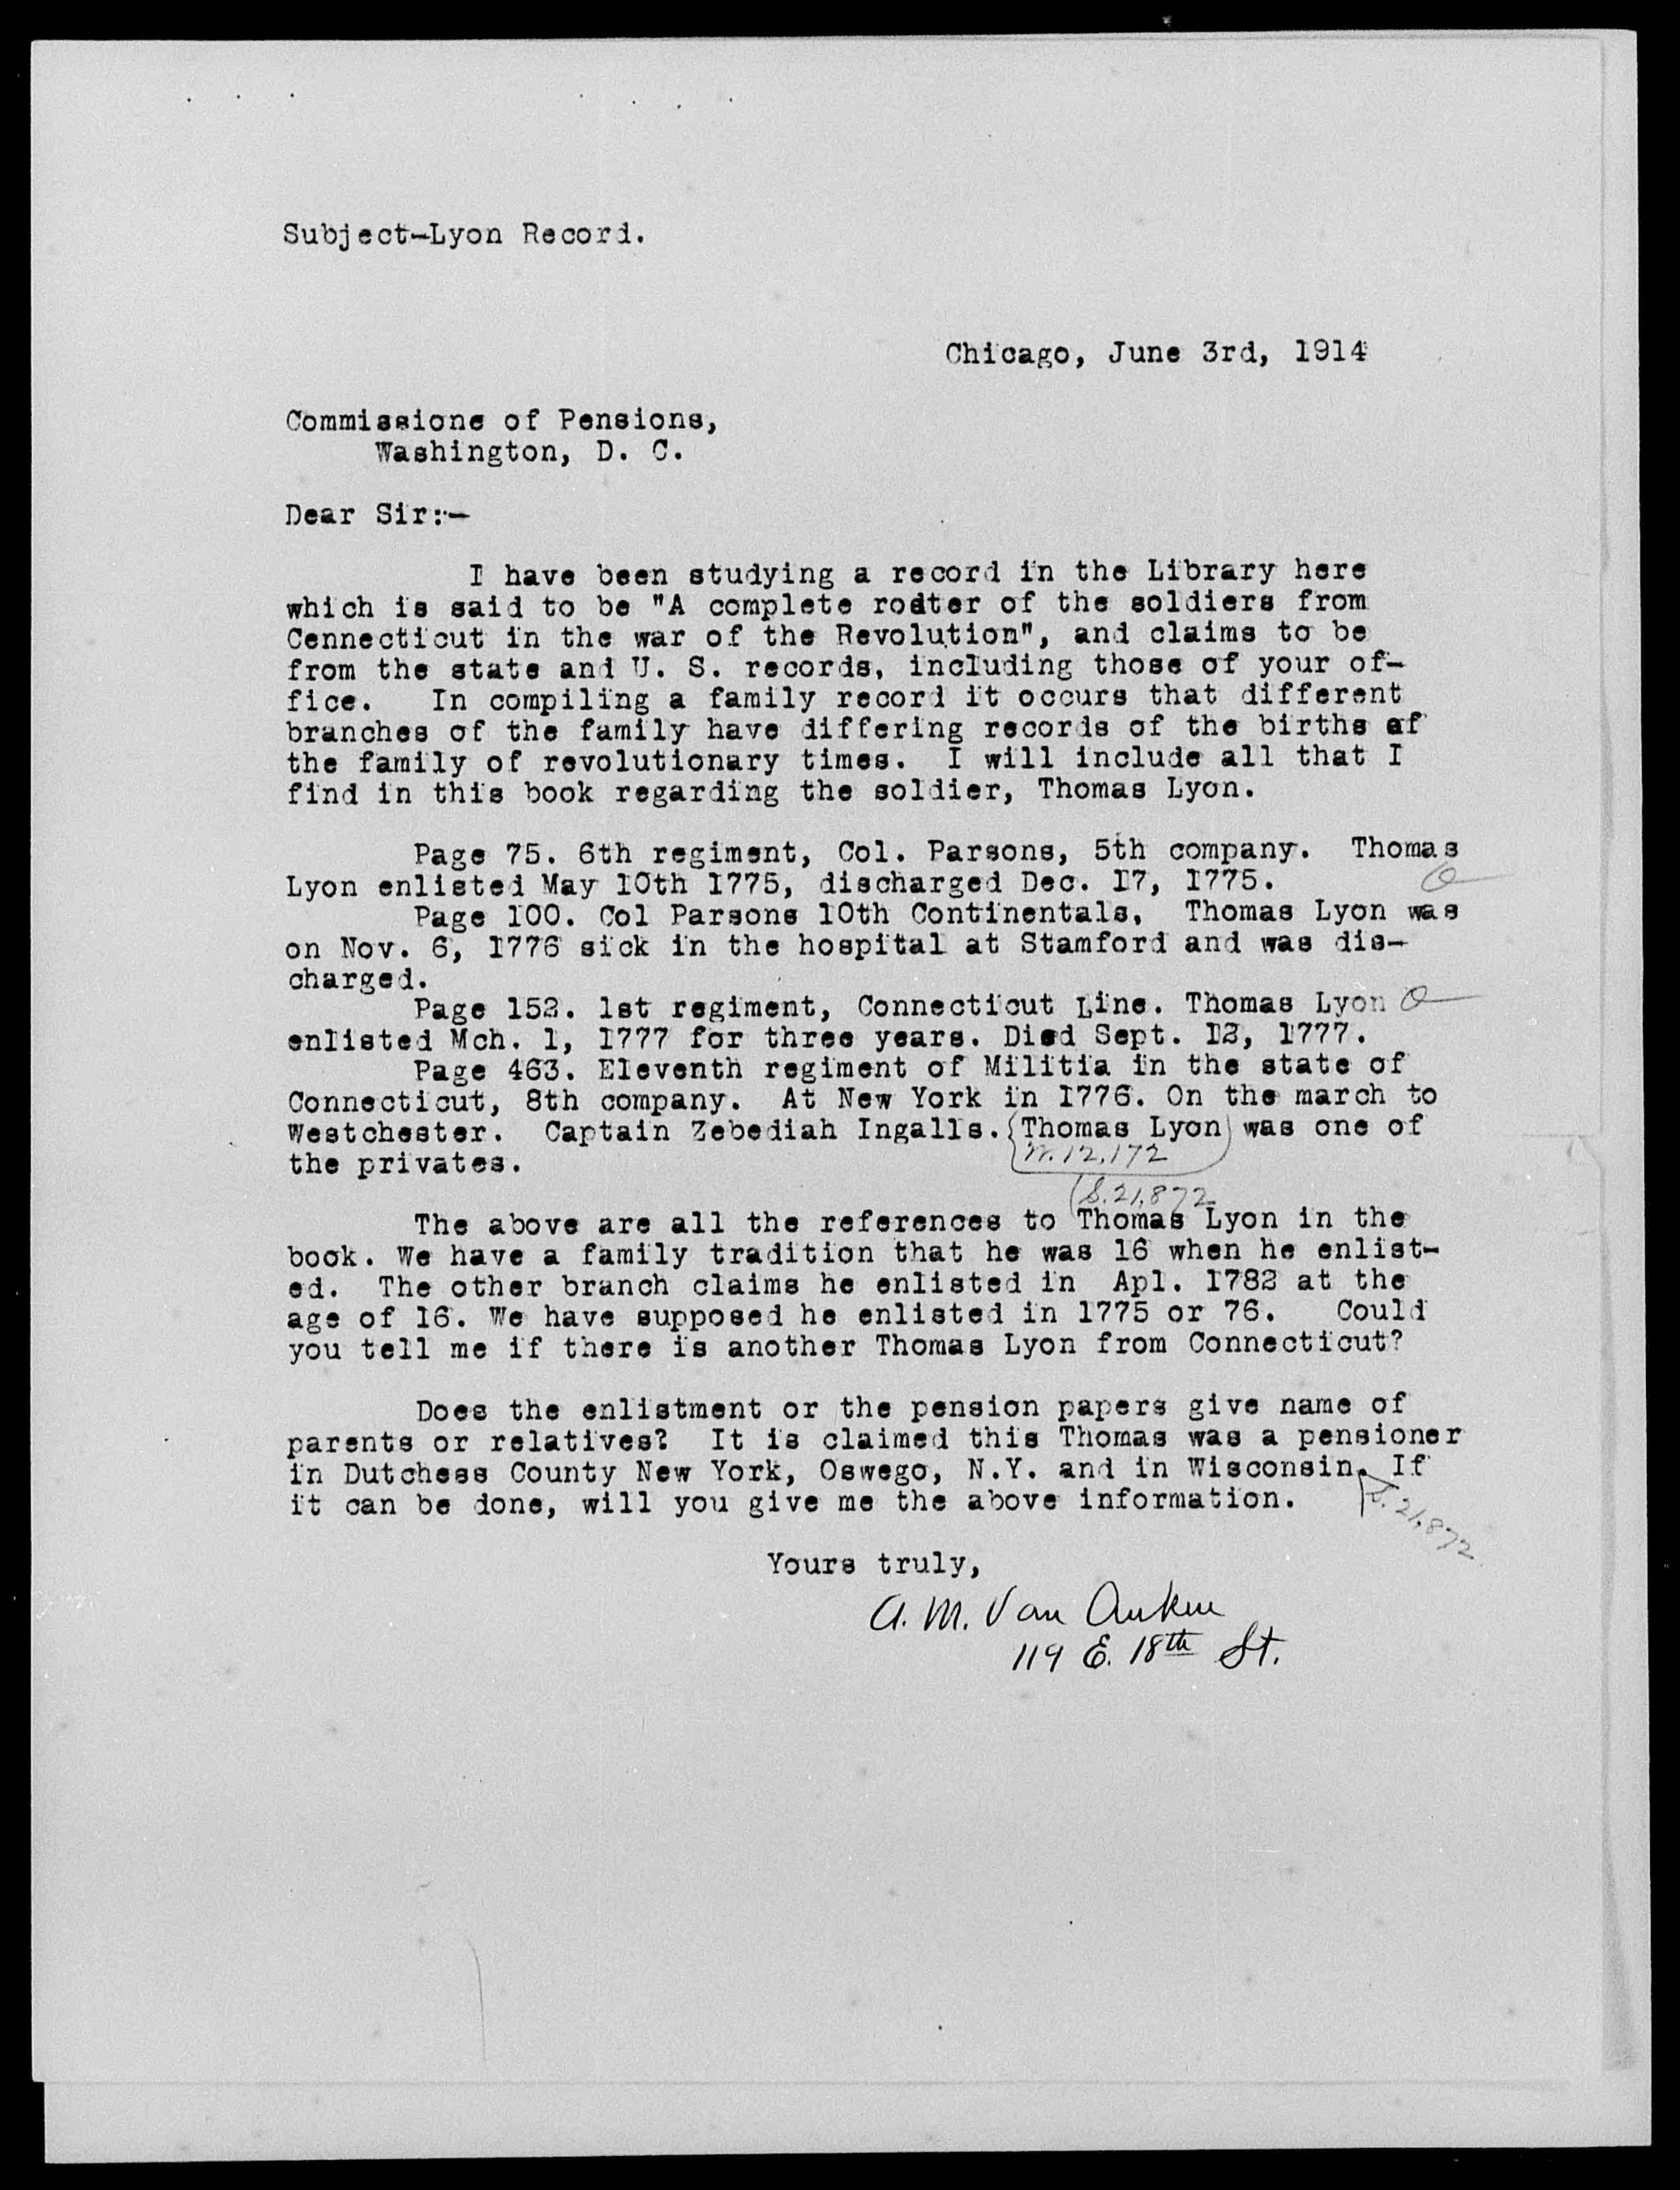Subject -- Lyon Record.
Chicago, June 3rd, 1914
Commissioner of Pensions,
Washington, D. C.
Dear Sir:-
I have been studying a record in the Library here which is said to be "A complete roster of the soldiers from Connecticut in the war of the Revolution", and claims to be from the state and U. S. records, including those of your office. In compiling a family record it occurs that different branches of the family have differing records of the births of the family of revolutionary times. I will include all that I
find in this book regarding the soldier, Thomas Lyon.
Page 75. 6th regiment, Col. Parsons, 5th company. Thomas Lyon enlisted May 10th 1775, discharged Dec. 17, 1775.
Page 100. Col Parsons 10th Continentals, Thomas Lyon was on Nov. 6, 1776 sick in the hospital at Stamford and was discharged.
Page 152, 1st regiment, Connecticut Line, Thomas Lyon enlisted Mch. 1, 1777 for three years, Died Sept. 12, 1777.
Page 463, Eleventh regiment of Militia in the state of Connecticut, 8th company. At New York in 1776. On the march to Westchester, Captain Zebediah Ingalls, Thomas Lyon [marginal note: W. 12, 172] was one of the privates.
The above are all the references to Thomas Lyon [marginal note: S.21.872] in the
book. We have a family tradition that he was 16 when he enlisted. The other branch claims he enlisted in Apl. 1782 at the age of 16. We have supposed he enlisted in 1775 or 76. Could you tell me if there is another Thomas Lyon from Connecticut?
Does the enlistment or the pension papers give name of parents or relatives. It is claimed this Thomas was a pensioner in Dutchess County New York, Oswego, N. Y. and in Wisconsin [marginal note: S.21,872]. if
it can be done, will you give me the above information.
Yours truly,
A.M. Van Aukin
119 E. 18th St.
.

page: 18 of 28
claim: survivor's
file: S. 21,872, for Thomas Lyon, New York